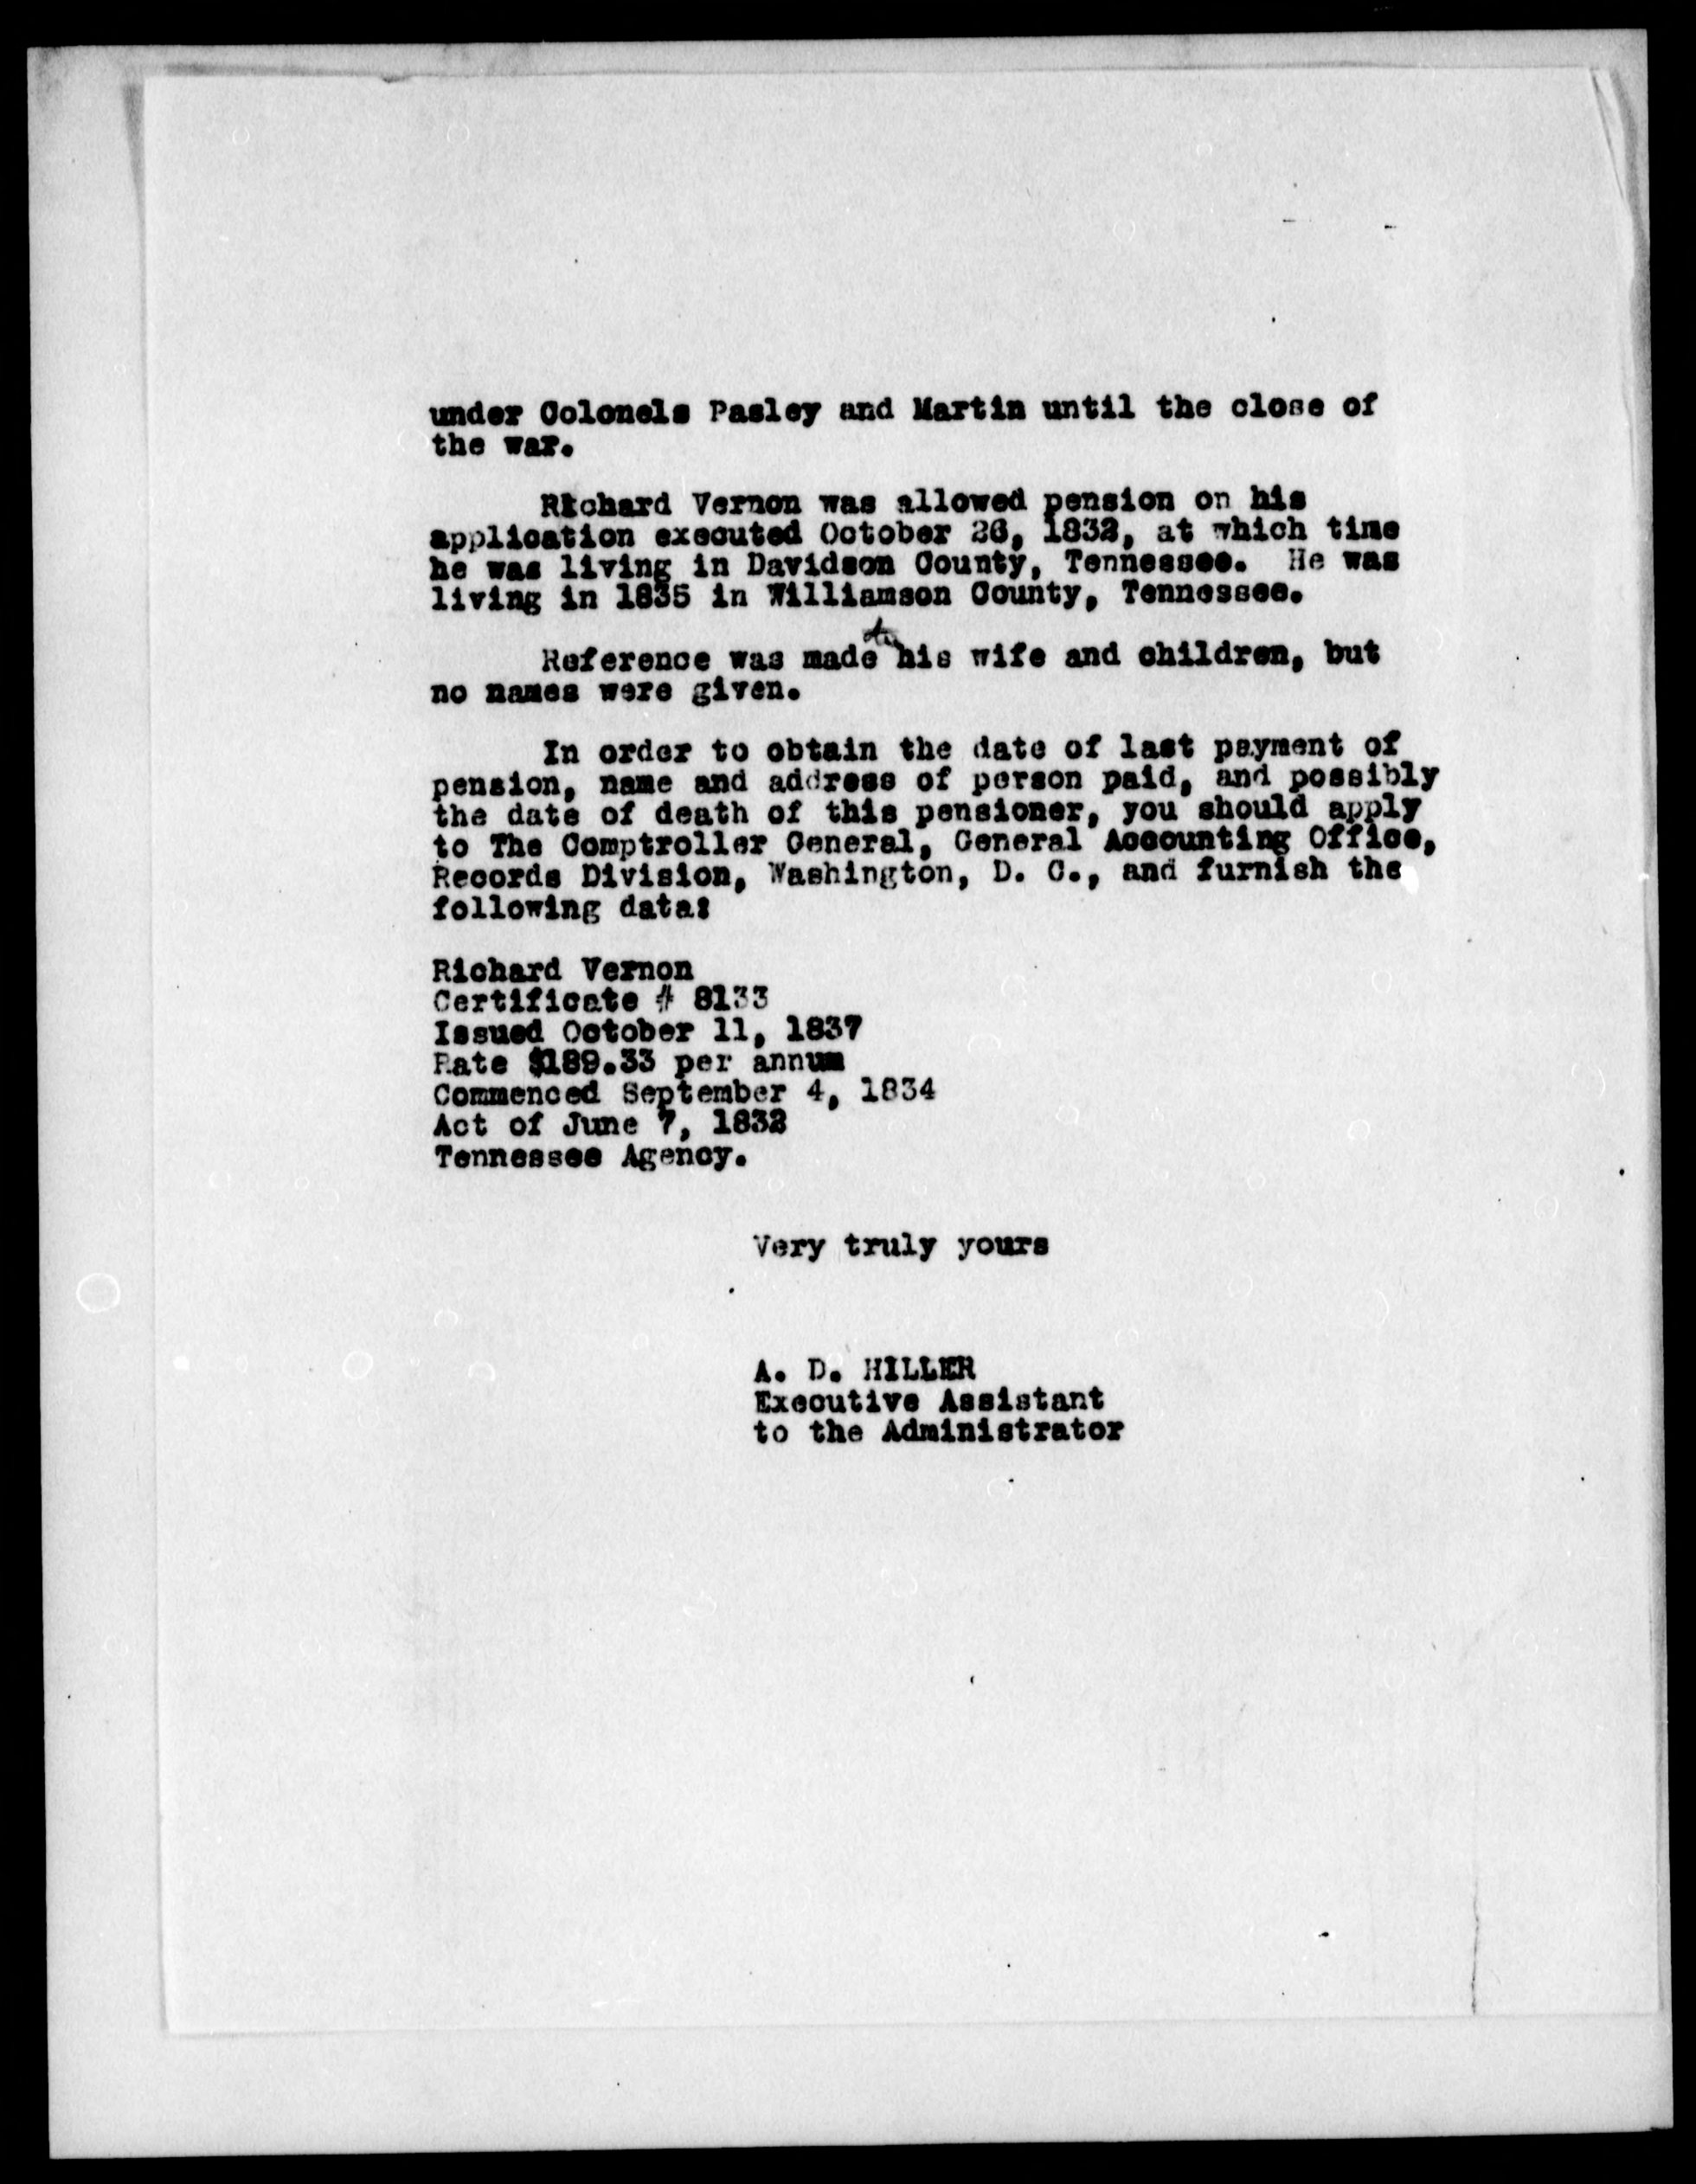under Colonels Pasley and Martin until the close of the war.
Richard Vernon was allowed pension on his application executed October 26, 1832, at which time he was living in Davidson County, Tennessee. He was living in 1835 in Williamson County, Tennessee.
Reference was made to his wife and children, but no names were given.
In order to obtain the date of last payment of pension, name and address of person paid, and possibly the date of death of this pensioner, you should apply to the Comptroller General, General Accounting Office, Records Division, Washington, D. C. , and furnish the following data:
Richard Vernon
Certificate #8133
Issued October 11, 1837
Rate $189.33 per annum
Commenced September 4, 1834
Act of June 7, 1832
Tennessee Agency.
Very truly yours
A. D. HILLER
Executive Assistant
to the Administrator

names: Pasley, Richard Vernon, Martin, A D Hiller, Richard Vernon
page: 88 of 105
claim: survivor's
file: S. 1883, Richard Vernon, N.C.